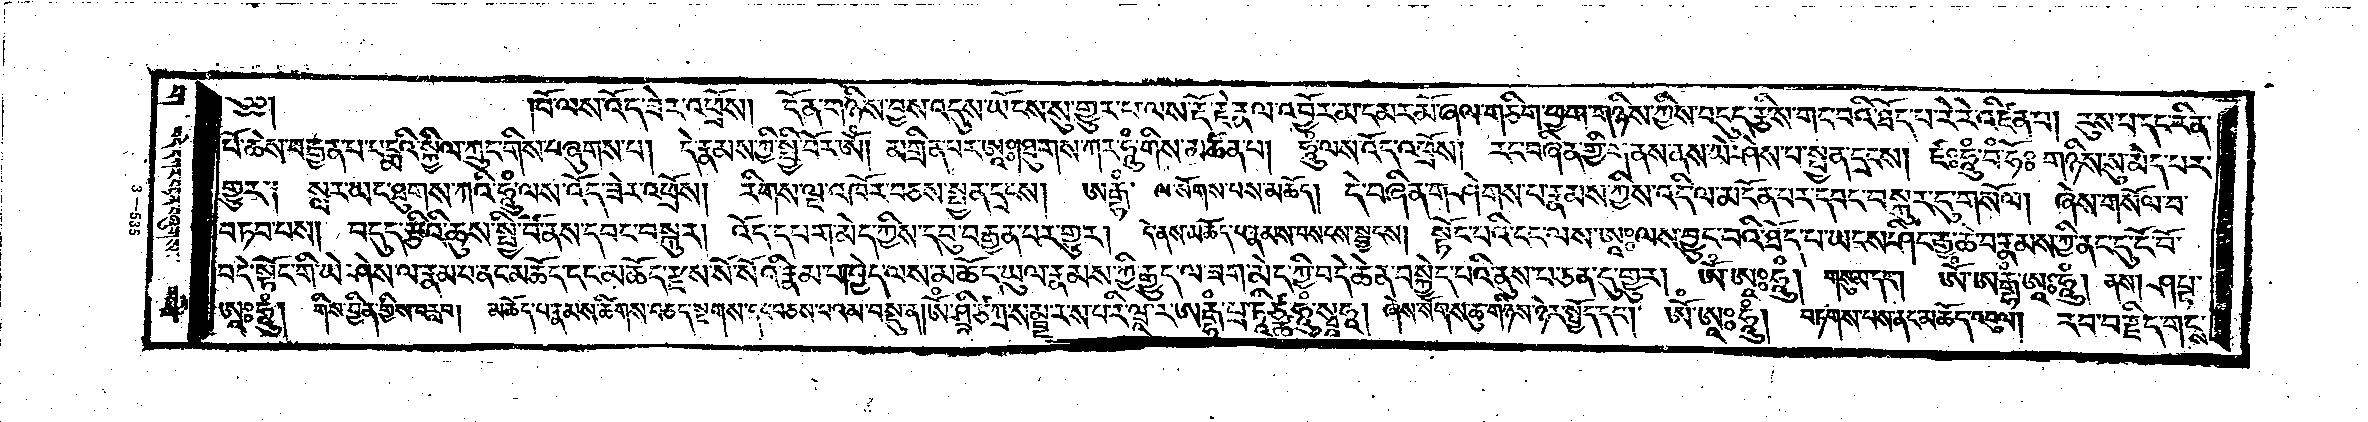༄༅། །བོ་ལས་འོད་ཟེར་འཕྲོས། དོན་གཉིས་བྱས་འདུས་ཡོངས་སུ་གྱུར་པ་ལས་རྡོ་རྗེ་རྣལ་འབྱོར་མ་དམར་མོ་ཞལ་གཅིག་ཕྱག་གཉིས་ཀྱིས་བདུད་རྩིས་གང་བའི་ཐོད་པ་རེ་རེ་འཛིན་པ། རུས་པ་དང་རིན་
པོ་ཆེས་བརྒྱན་པ་པདམའི་སྐྱིལ་ཀྲུང་གིས་བཞུགས་པ། དེ་རྣམས་ཀྱི་སྤྱི་བོར་ཨོཾ། མགྲིན་པར་ཨཱཿ།ཐུགས་ཀར་ཧཱུཾ་གིས་མཚན་པ། ཧཱུཾ་ལས་འོད་འཕྲོས། རང་བཞིན་གྱི་གནས་ནས་ཡེ་ཤེས་པ་སྤྱན་དྲངས། ཛཿཧཱུཾ་བཾ་ཧོཿགཉིས་སུ་མེད་པར་
གྱུར༑ སླར་ཡང་ཐུགས་ཀའི་ཧཱུཾ་ལས་འོད་ཟེར་འཕྲོས། རིགས་ལྔ་འཁོར་བཅས་སྤྱན་དྲངས། ཨརྒྷཾ་ལ་སོགས་པས་མཆོད།  དེ་བཞིན་གཤེགས་པ་རྣམས་ཀྱིས་འདི་ལ་མངོན་པར་དབང་བསྐུར་དུ་གསོལ། ཞེས་གསོལ་བ་
བཏབ་པས། བདུད་རྩིའི་ཆུས་སྤྱི་བོ་ནས་དབང་བསྐུར། འོད་དཔག་མེད་ཀྱིས་དབུ་བརྒྱན་པར་གྱུར། དེ་ནས་མཆོད་པ་རྣམས་བསངས་སྦྱངས།  སྟོང་པའི་ངང་ལས་ཨཱཿལས་བྱུང་བའི་ཐོད་པ་ཡངས་ཤིང་རྒྱ་ཆེ་བ་རྣམས་ཀྱི་ནང་དུ་ངོ་བོ་
བདེ་སྟོང་གི་ཡེ་ཤེས་ལ་རྣམ་པ་ནང་མཆོད་དང་མཆོད་རྫས་སོ་སོའི་རྣམ་པ་ཁྱེད་ལས་མཆོད་ཡུལ་རྣམས་ཀྱི་རྒྱུད་ལ་ཟག་མེད་ཀྱི་བདེ་ཆེན་བསྐྱེད་པའི་ནུས་པ་ཅན་དུ་གྱུར། ཨོཾ་ཨཱཿཧཱུཾ། གསུམ་དང་།  ཨོཾ་ཨརྒྷཾ་ཨཱཿཧཱུཾ། ནས།  ཤཔྟ་
ཨཱཿཧཱུཾ། གིས་བྱིན་གྱིས་བརླབ། མཆོད་པ་རྣམས་ཚིགས་བཅད་སྔགས་དང་བཅས་པའམ་བསྡུ་ན།  ཨོཾ་ཤྲཱི་ཙཀྲ་སམྦྷ་ར་ས་པ་རི་ཝཱ་ར་ཨརྒྷཾ་པྲ་ཏཱིཙྪ་ཧཱུཾ་སྭཱཧཱ། ཞེས་སོགས་ཆུ་གཉིས་ཉེར་སྤྱོད་དང་།  ཨོཾ་ཨཱཿཧཱུཾ། བཏགས་པས་ནང་མཆོད་འབུལ།  རབ་བརྗིད་གངས་